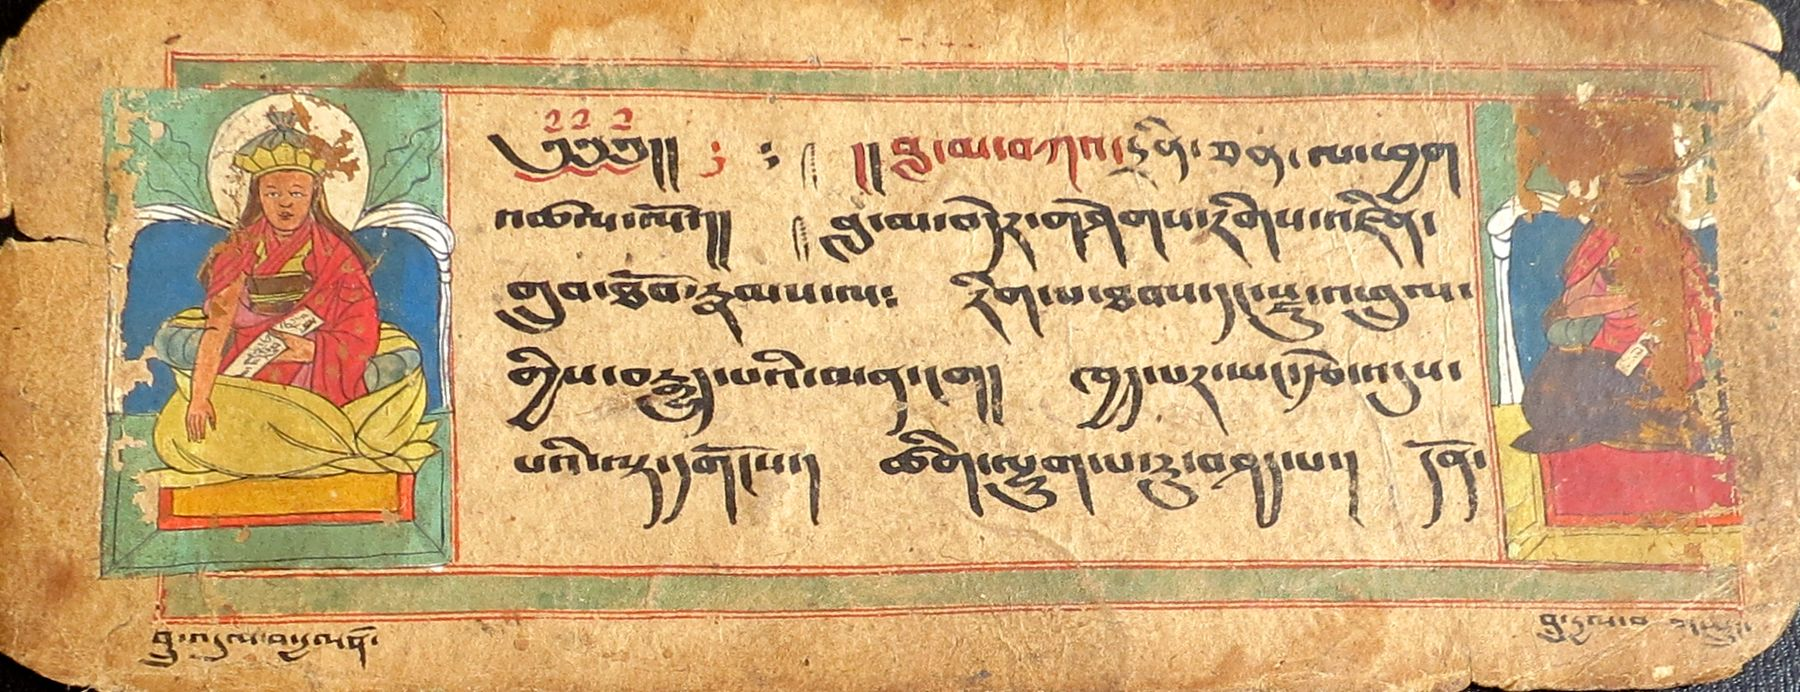བླ་མ་བཀའ་དྲིན་ཅན་ལ་ཕྱག་
འཚལ་ལོ། ། བླ་མ་བདེར་གཤེགས་རིག་འཛིན་
གྲུབ་ཐོབ་རྣམས་ལ། རིག་པ་ཐབས་དང་རྫུ་འཕྲུལ་
གྱིས་བརྒྱུད་པའི་མན་ངག ཁྱད་པར་ཡང་རྩེ་འདུས་
པའི་ལྟ་དགོངས། ཚིག་ལྷུག་པ་རུ་བཤད་པ། དོན་